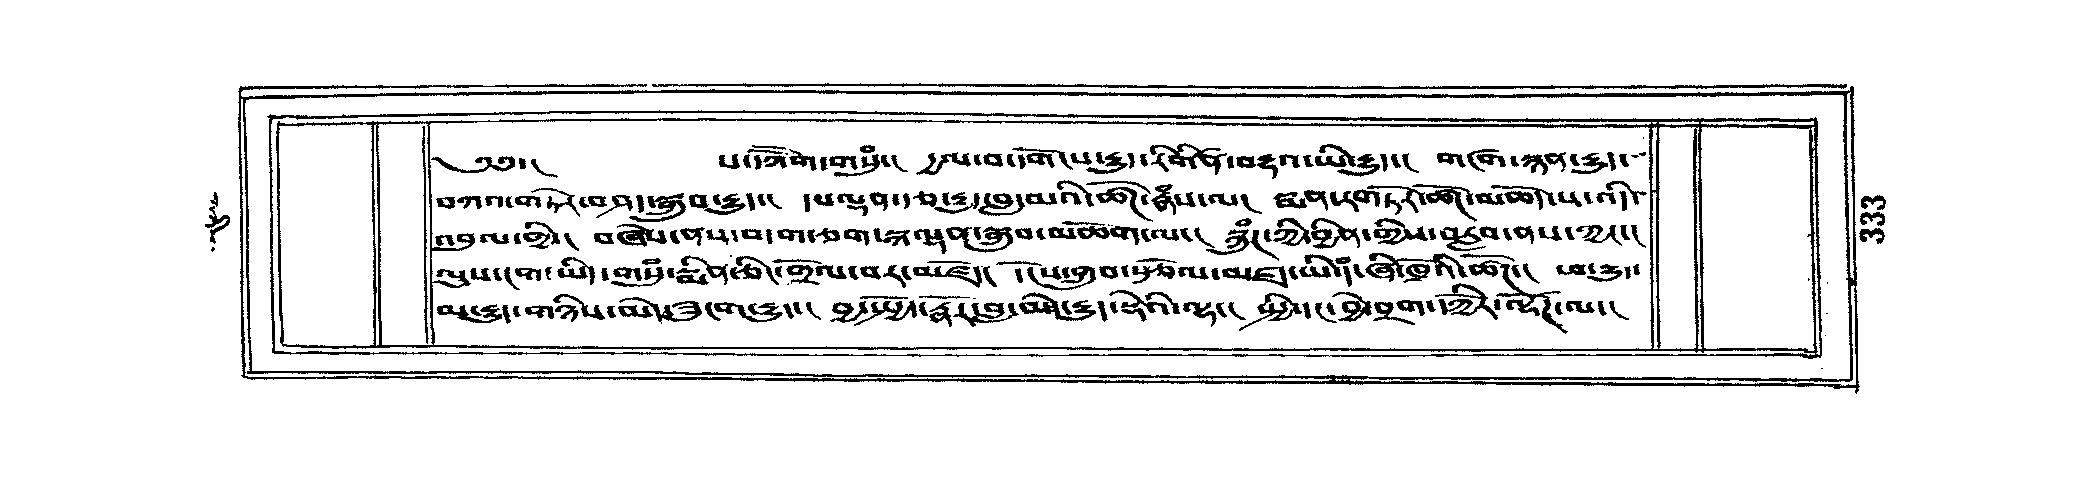པ་དཀོན་མཆོག་གསུམ། །རྒྱལ་བ་དགོངས་རྒྱུད་རིག་འཛིན་བརྡ་ཡི་རྒྱུད། །གང་་ཟག་སྙན་རྒྱུད་
བཀའ་གཏེར་བཤད་སྒྲུབ་རྒྱུད། །དཔལ་ལྡན་རྩ་རྒྱུད་བླ་མའི་ཚོགས་རྣམས་ལ། །སྨན་རག་གཏོར་ཚོགས་མཆོད་པ་འདི་
འབུལ་གྱི། །བཞེས་ནས་བདག་ཅག་སྐལ་ལྡན་སྒྲུབ་མཆོག་ལ། །སྐུ་གསུང་ཐུགས་ཀྱི་བྱིན་གྱིས་བརླབ་ནས་ཀྱང་། །
ལུས་ངག་ཡིད་གསུམ་སྨིན་ཅིང་གྲོལ་བར་མཛོད། །དངོས་གྲུབ་སྩོལ་མཛད་ཡི་དམ་ཞི་ཁྲོའི་ཚོགས། །ཕ་རྒྱུད་
མ་རྒྱུད་གཉིས་མེད་ཟུང་འཇུག་རྒྱུད། །བྱ་སྤྱོད་རྣལ་འབྱོར་རྒྱུད་སྡེའི་ལྷ། །སྤྱི་དང་བྱེ་བྲག་དཀྱིལ་འཁོར་ལྷ་ཚོགས་ལ།